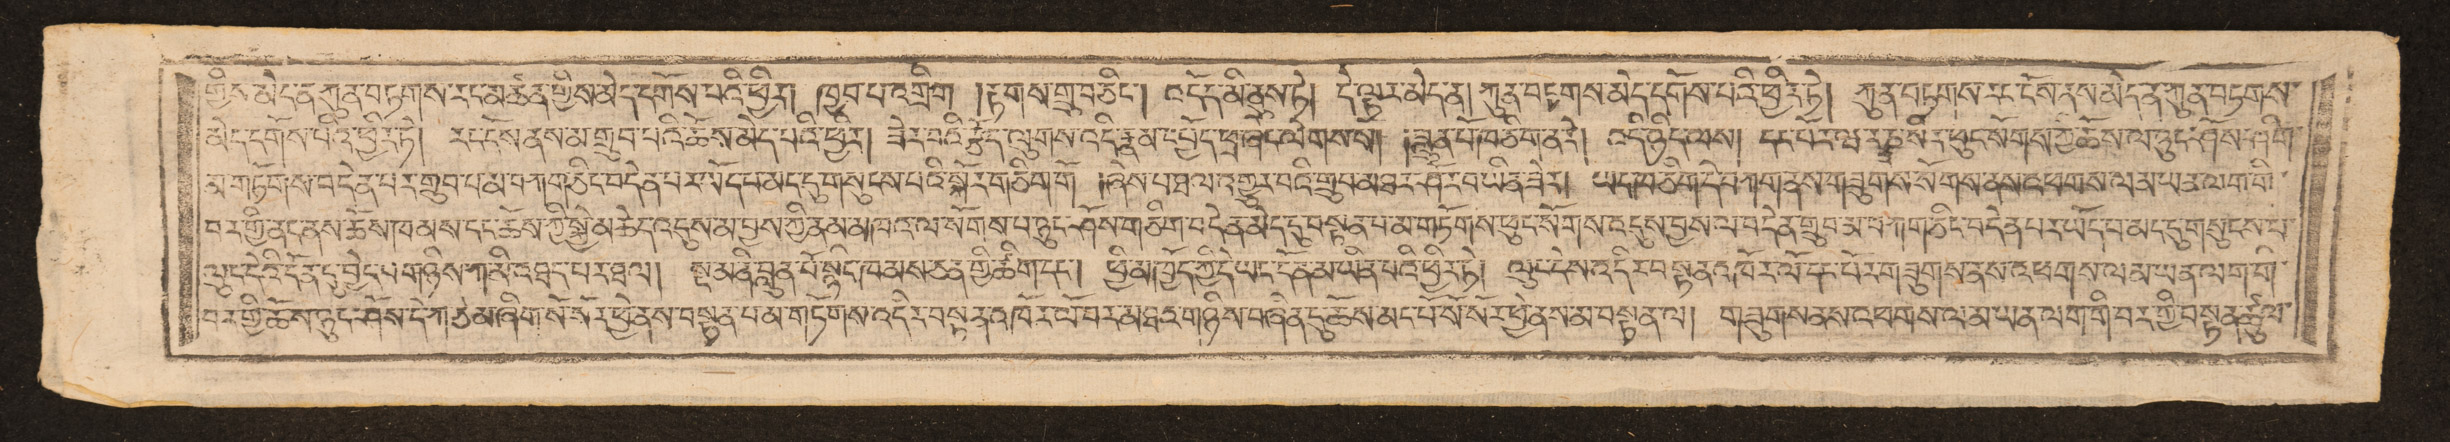གྱིས་མེད་ན་ཀུན་བཏགས་རང་མཚན་གྱིས་མེད་དགོས་པའི་ཕྱིར། ཁྱབ་པ་འགྲིག །རྟགས་གྲུབ་ཅིང་། འདོད་མི་ནུས་ཏེ། དེ་ལྟར་མེད་ན། ཀུན་བཏགས་མེད་དགོས་པའི་ཕྱིར་ཏེ། ཀུན་བཏགས་རང་ངོས་ནས་མེད་ན་ཀུན་བཏགས་
མེད་དགོས་པའི་ཕྱིར་ཏེ། རང་ངོས་ནས་མ་གྲུབ་པའི་ཆོས་མེད་པའི་ཕྱིར། ཟེར་བའི་རྩོད་ལུགས་འདི་རྣམ་དཔྱོད་ཕྲ་ཞིང་ལེགས་སོ། །བླུན་པོ་ཁ་ཅིག་ན་རེ། འདི་ཉིད་ལས། དང་པོར་ཝ་ར་ཎཱ་སིར་ཕུང་སོགས་ཀྱི་ཆོས་ལ་ཉུང་ཤོས་ཤིག་
མ་གཏོགས་བདེན་པར་གྲུབ་པ་མ་བཀག་ཅིང་བདེན་པར་ཡོད་པ་མང་དུ་གསུངས་པའི་སྐོར་གཅིག་གོ །ཞེས་པ་ཐལ་འགྱུར་བའི་གྲུབ་མཐའ་ཤོར་བ་ཡིན་ཟེར། ཡང་ཁ་ཅིག་དེ་བཀག་ནས་གཟུགས་སོགས་ནས་འཕགས་ལམ་ཡན་ལག་གི་
བར་གྱི་ནང་ནས་ཆོས་ཁམས་དང་ཆོས་ཀྱི་སྐྱེ་མཆེད་འདུས་མ་བྱས་ཀྱི་ནམ་མཁའ་ལ་སོགས་པ་ཉུང་ཤོས་གཅིག་བདེན་མེད་དུ་བལྟན་པ་མ་གཏོགས་ཕུང་སོགས་འདུས་བྱས་ལ་བདེན་གྲུབ་མ་བཀག་ཅིང་བདེན་པར་ཡོད་པ་མང་དུ་གསུངས་པ་
ལུང་དེའི་དོན་དུ་བྱེད་པ་གཉིས་ཀ་མི་འཐད་པར་ཐལ། སྔ་མ་ནི་བླུན་པོ་སྙིང་ཁམས་ཅན་གྱི་ཚིག་དང་། ཕྱེ་མ་ཁྱོད་ཀྱི་དེ་ཡང་དོན་མ་ཡིན་པའི་ཕྱིར་ཏེ། ལུང་དེས་འདིར་བསྟན་འཁོར་ལོ་དང་པོར་གཟུགས་ནས་འཕགས་ལམ་ཡན་ལག་གི་
བར་གྱི་ཆོས་ཉུང་ཤོས་དེ་ཀ་ཙམ་ཞིག་སོ་སོར་ཕྱེ་ནས་བསྟན་པ་མ་གཏོགས་འདིར་བསྟན་འཁོར་ལོ་བར་མཐའ་གཉིས་བཞིན་དུ་ཆོས་མང་པོ་སོ་སོར་ཕྱེ་ནས་མ་བསྟན་ལ། གཟུགས་ནས་འཕགས་ལམ་ཡན་ལག་གི་བར་གྱི་བསྟན་ཚུལ་